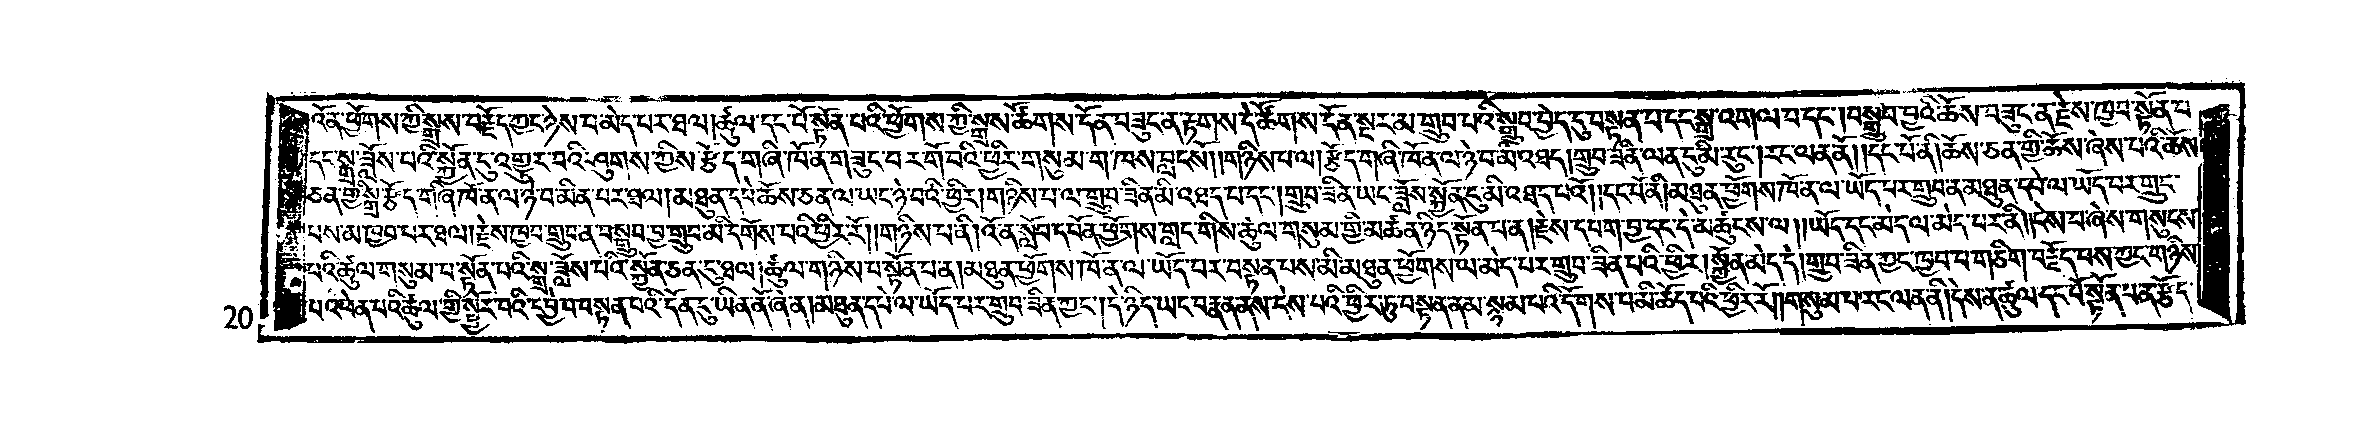འོ་ན་ཕྱོགས་ཀྱི་སྒྲས་བརྗོད་ཀྱང་ཉེས་པ་མེད་པར་ཐལ། ཚུལ་དང་པོ་སྟོན་པའི་ཕྱོགས་ཀྱི་སྒྲས་ཚོགས་དོན་བཟུང་ན་རྟགས་དེ་ཚོགས་དོན་སྔར་མ་གྲུབ་པའི་སྒྲུབ་བྱེད་དུ་བསྟན་པ་དང་སྒྲ་འགལ་བ་དང་། བསྒྲུབ་བྱའི་ཆོས་བཟུང་ན་རྗེས་ཁྱབ་སྟོན་པ་
དང་སྒྲ་ཟློས་པའི་སྐྱོན་དུ་འགྱུར་བའི་ཤུགས་ཀྱིས་རྩོད་གཞི་ཁོ་ན་གཟུང་བར་གོ་བའི་ཕྱིར་གསུམ་ག་ཁས་བླངས་སོ། །གཉིས་པ་ལ། རྩོད་གཞི་ཁོ་ན་ལ་ཉེ་བ་མི་འཐད། གྲུབ་ཟིན་ལན་དུ་མི་རུང་། རང་ལན་ནོ། །དང་པོ་ནི། ཆོས་ཅན་གྱི་ཆོས་ཞེས་པའི་ཆོས་
ཅན་གྱི་སྒྲ་རྩོད་གཞི་ཁོ་ན་ལ་ཉེ་བ་མིན་པར་ཐལ། མཐུན་དཔེ་ཆོས་ཅན་ལ་ཡང་ཉེ་བའི་ཕྱིར། གཉིས་པ་ལ་གྲུབ་ཟིན་མི་འཐད་པ་དང་། གྲུབ་ཟིན་ཡང་ཟློས་སྐྱོན་དུ་མི་འཐད་པའོ། །དང་པོ་ནི། མཐུན་ཕྱོགས་ཁོ་ན་ལ་ཡོད་པར་གྲུབ་ན་མཐུན་དཔེ་ལ་ཡོད་པར་གྲུབ་
པས་མ་ཁྱབ་པར་ཐལ། རྗེས་ཁྱབ་གྲུབ་ན་བསྒྲུབ་བྱ་གྲུབ་མི་དགོས་པའི་ཕྱིར་རོ། །གཉིས་པ་ནི། འོ་ན་སློབ་དཔོན་ཕྱོགས་གླང་གིས་ཚུལ་གསུམ་གྱི་མཚན་ཉིད་སྟོན་པ་ན། རྗེས་དཔག་བྱ་དང་དེ་མཚུངས་ལ། །ཡོད་དང་མེད་ལ་མེད་པར་ནི། །ངེས་པ་ཞེས་གསུངས་
པའི་ཚུལ་གསུམ་པ་སྟོན་པའི་སྒྲ་ཟློས་པའི་སྐྱོན་ཅན་དུ་ཐལ། ཚུལ་གཉིས་པ་སྟོན་པ་ན། མཐུན་ཕྱོགས་ཁོ་ན་ལ་ཡོད་པར་བསྟན་པས་མི་མཐུན་ཕྱོགས་ལ་མེད་པར་གྲུབ་ཟིན་པའི་ཕྱིར། སྐྱོན་མེད་དེ། གྲུབ་ཟིན་ཀྱང་ཁྱབ་པ་གཅིག་བརྗོད་པས་ཀྱང་གཉིས་
པ་འཕེན་པའི་ཚུལ་གྱི་སྦྱོར་བའི་དབྱེ་བ་བསྟན་པའི་དོན་དུ་ཡིན་ནོ་ཞེ་ན། མཐུན་དཔེ་ལ་ཡོད་པར་གྲུབ་ཟིན་ཀྱང་། དེ་ཉིད་ཡང་བརྣན་ནས་ངེས་པའི་ཕྱིར་ཏུ་བསྟན་ནམ་སྙམ་པའི་དོགས་པ་མི་ཆོད་པའི་ཕྱིར་རོ། །གསུམ་པ་རང་ལན་ནི། དེས་ན་ཚུལ་དང་པོ་སྟོན་པ་ན་རྩོད་